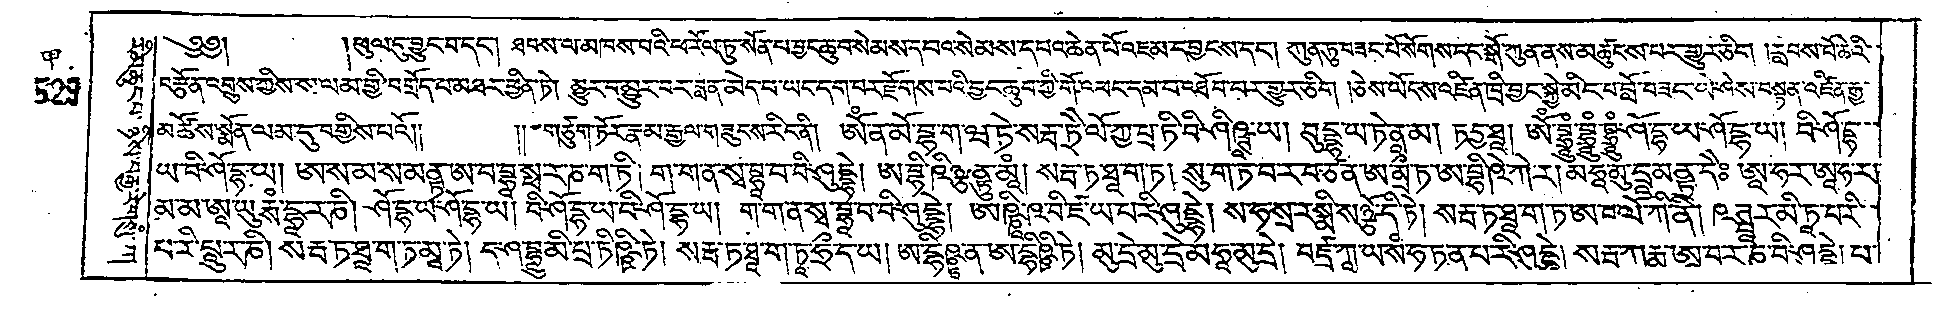༄༅། །ཕུལ་དུ་བྱུང་བ་དང་། ཐབས་ལ་མཁས་པའི་ཕ་རོལ་ཏུ་སོན་པ་བྱང་ཆུབ་སེམས་དཔའ་སེམས་དཔའ་ཆེན་པོ་འཇམ་དབྱངས་དང་། ཀུན་ཏུ་བཟང་པོ་སོགས་དང་སྒོ་ཀུན་ནས་མཚུངས་པར་གྱུར་ཅིག །རླབས་པོ་ཆེའི་
བརྩོན་འགྲུས་ཀྱིས་ས་ལམ་གྱི་བགྲོད་པ་མཐར་ཕྱིན་ཏེ། མྱུར་བ་མྱུར་བར་བླ་ན་མེད་པ་ཡང་དག་པར་རྫོགས་པའི་བྱང་ཆུབ་ཀྱི་གོ་འཕང་དམ་པ་འཐོབ་པར་གྱུར་ཅིག །ཅེས་ཡོངས་འཛིན་ཁྲི་བྱང་སྐྱེ་མིང་པ་བློ་བཟང་ཡེ་ཤེས་བསྟན་འཛིན་རྒྱ་
མཚོས་སྨོན་ལམ་དུ་བགྱིས་པའོ།། །།༧གཙུག་ཏོར་རྣམ་རྒྱལ་གཟུངས་རིང་ནི། ཨོཾ་ན་མོ་བྷ་ག་ཝ་ཏེ་སརྦ་ཏྲཻ་ལོ་ཀྱ་པྲ་ཏི་བི་ཤིཥྚཱ་ཡ། བུདྡྷ་ཡ་ཏེ་ནཱ་མ། ཏྡྱ་ཐཱ། ཨོཾ་བྷྲཱུཾ་བྷྲཱུཾ་བྷྲཱུཾ་ཤོ་དྷ་ཡ་ཤོ་དྷ་ཡ། བི་ཤོ་དྷ་
ཡ་བི་ཤོ་དྷ་ཡ། ཨ་ས་མ་ས་མནྟ་ཨ་བ་བྷ་སྥ་ར་ཎ་ག་ཏི། ག་ག་ན་སྭ་བྷཱ་བ་བི་ཤུདྷེ། ཨ་བྷི་ཥྲིཉྩ་ནྟུ་མཱཾ། སརྦ་ཏ་ཐཱ་ག་ཏ། སུ་ག་ཏ་བ་ར་བ་ཙ་ན་ཨ་མྲྀ་ཏ་ཨ་བྷི་ཥེ་ཀེ་ར། མ་ཧཱ་མུ་དྲཱ་མནྟྲ་དཻཿ ཨཱ་ཧ་ར་ཨཱ་ཧ་ར་
མ་མ་ཨཱ་ཡུརྶཾ་དྷཱ་ར་ཎི། ཤོ་དྷ་ཡ་ཤོ་དྷ་ཡ། བི་ཤོ་དྷ་ཡ་བི་ཤོ་དྷ་ཡ། ག་ག་ན་སྭ་བྷཱ་བ་བི་ཤུདྷེ། ཨཥྞཱི་ཥ་བི་ཛ་ཡ་པ་རི་ཤུདྷེ། ས་ཧ་སྲ་ར་སྨི་སྙོཙ་དི་ཏེ། སརྦ་ཏ་ཐཱ་ག་ཏ་ཨ་བ་ལོ་ཀི་ནི། ཥཊྤཱར་མི་ཏཱ་པ་རི་
པ་རི་པཱུ་ར་ཎི། སརྦ་ཏ་ཐཱ་ག་ཏ་མཱ་ཏེ། ད་ཤ་བྷཱུ་མི་པྲ་ཏི་ཥཊཿཨི་ཏེ། སརྦ་ཏ་ཐཱ་ག་ཏཱ་ཧྲྀ་ད་ཡ། ཨ་དྷི་ཥཊཿཨཱ་ན་ཨ་དྷི་ཥཊཿཨི་ཏེ། མུ་དྲེ་མུ་དྲེ་མཧཱ་མུ་དྲེ། བཛྲ་ཀཱ་ཡ་སཾ་ཧ་ཏ་ན་པ་རི་ཤུདྷེ། སརྦ་ཀརྨ་ཨ་བ་ར་ཎ་བི་ཤུདྷེ། པ་